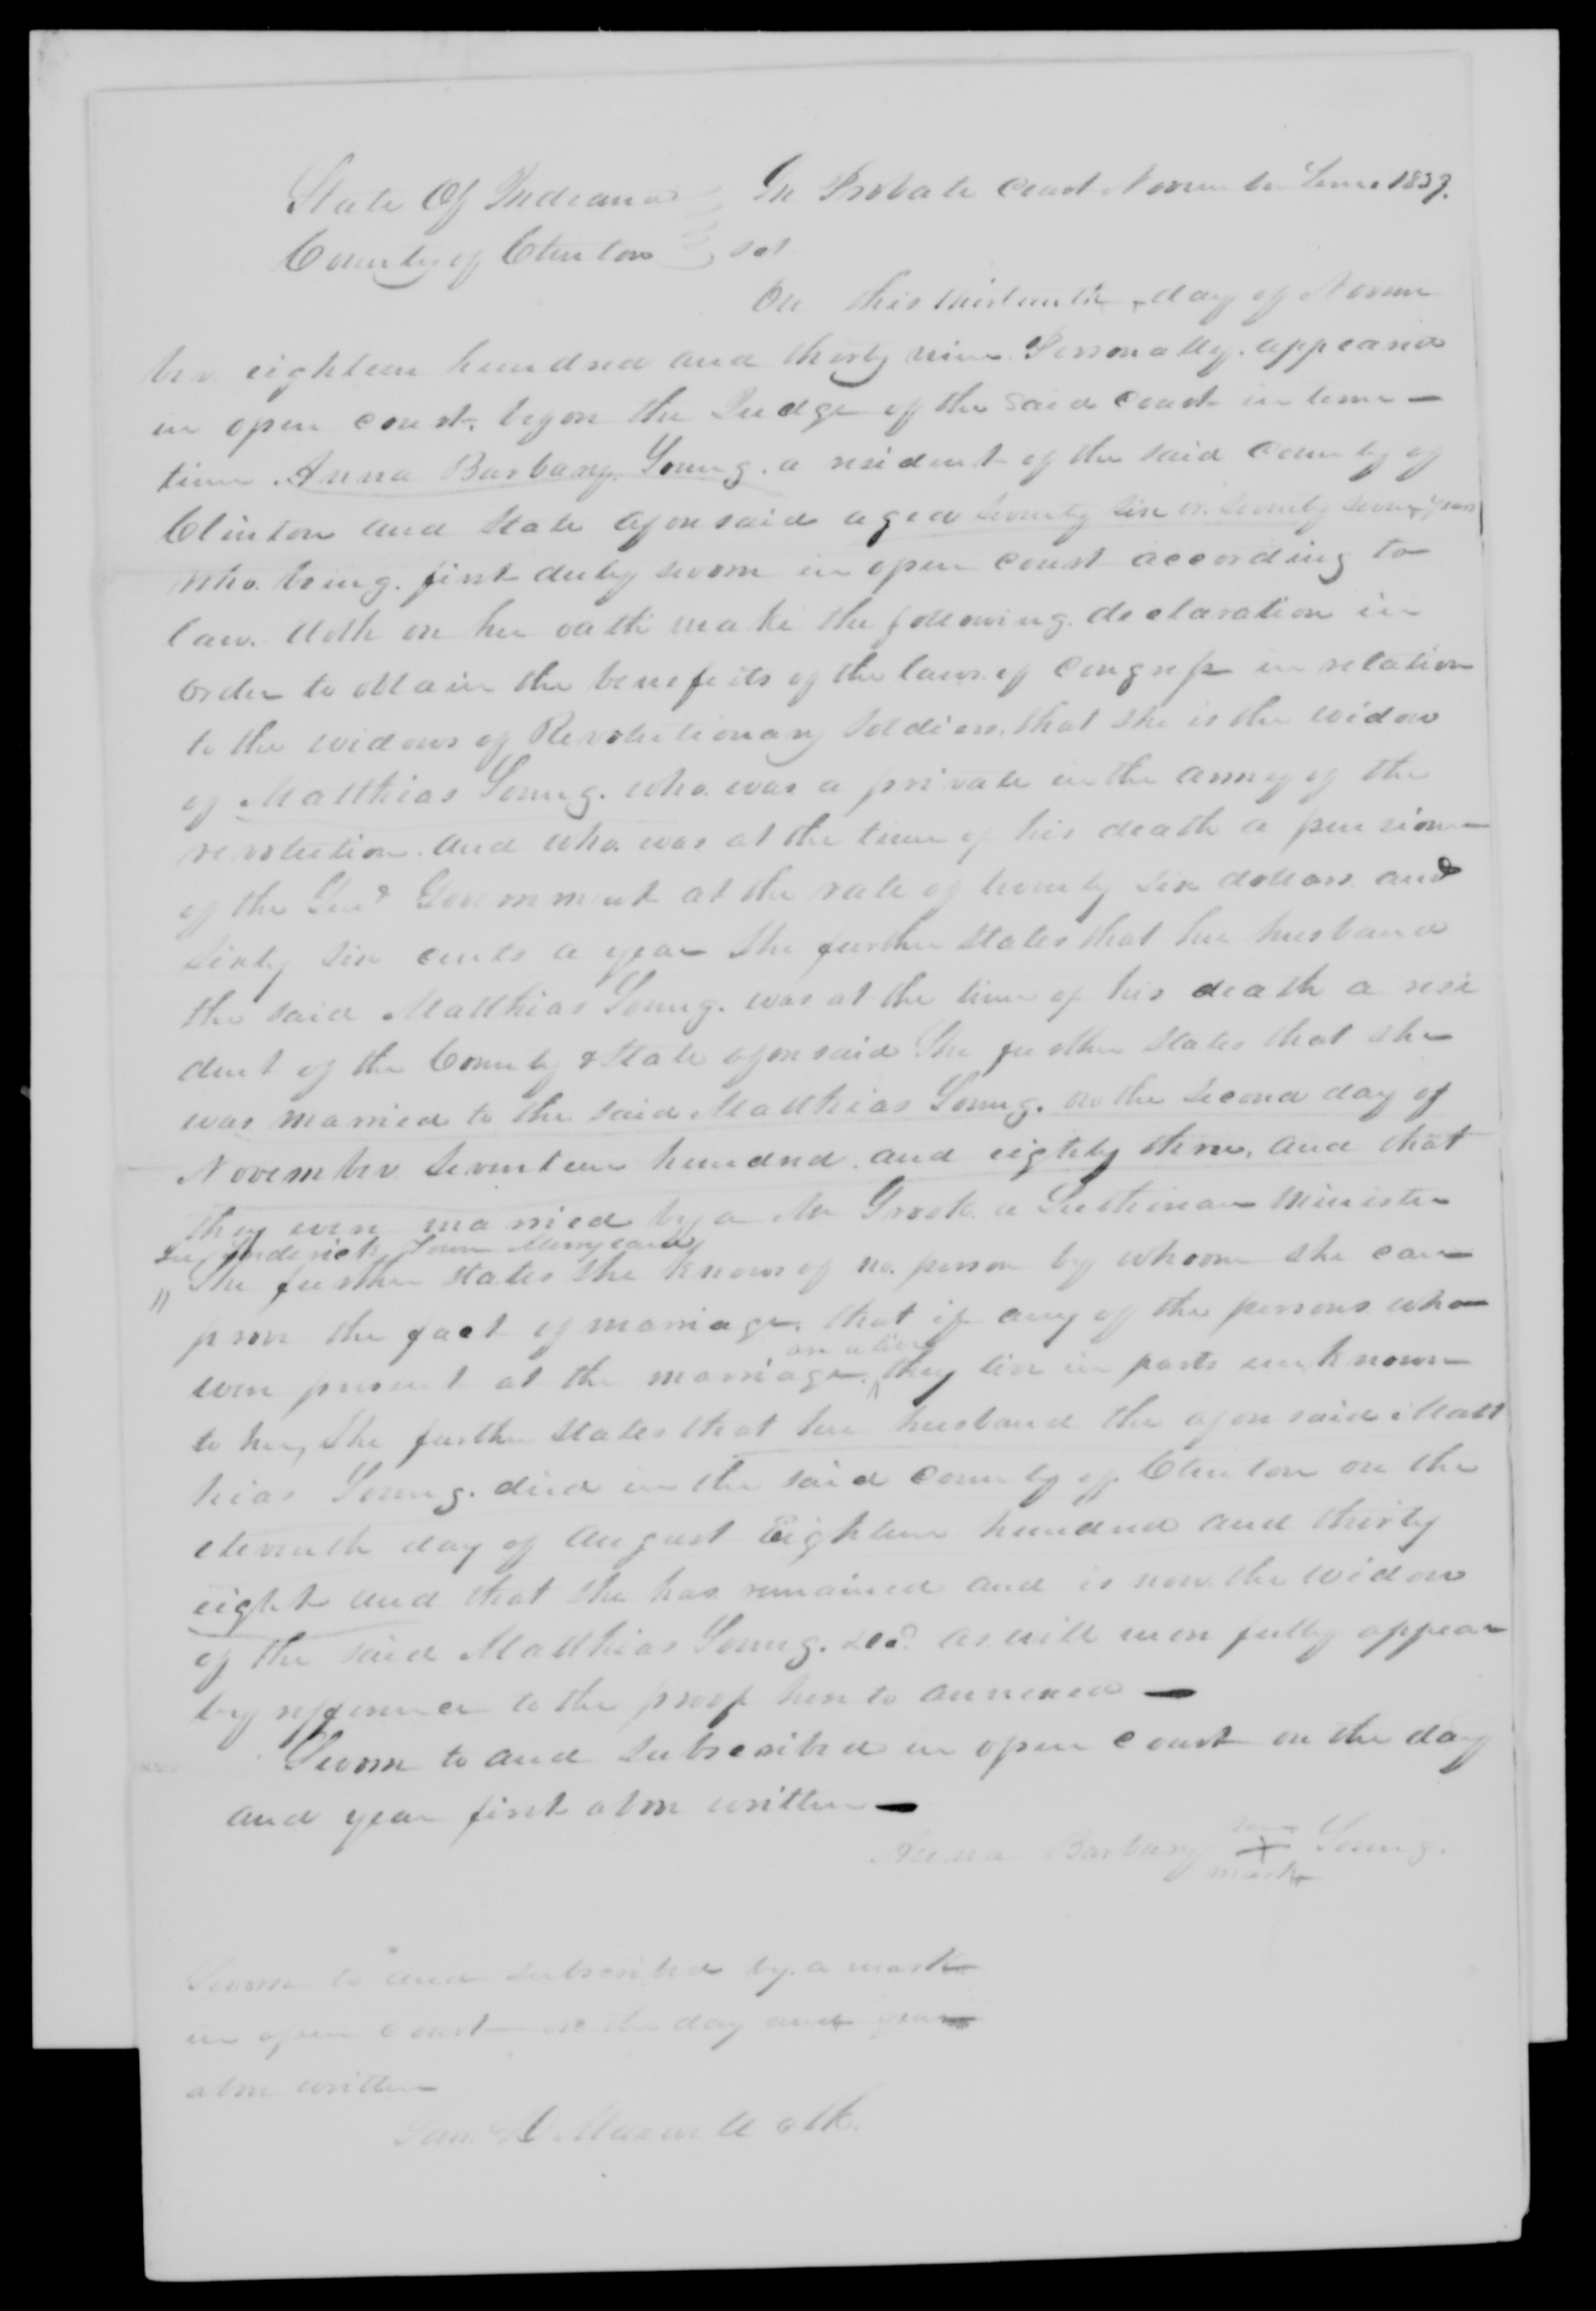State of Indiana County of Clinton ss
In Probate Court November Term 1839.

On this thirteenth day of November
 eighteen hundred and thirty nine personally appeared in open court before the Judge of the said Court in term time - Anna Barbary Young, a resident of the said County of Clinton and State aforesaid aged Seventy six or seventy seven years,
who being first duly sworn in open court according to law, doth on her oath make the following declaration in order to obtain the benefits of the law of congress in relation to the widows of Revolutionary soldiers.  That she is the widow
of Matthias Young, who was a private in the army of the revolution and who was at the time of his death a pensioner of the Gen’l Government at the rate of twenty six dollars and Sixty six cents a year. She further states that her husband the said Matthias Young was at the time of his death a resident
of the County & State aforesaid. She further states that she was married to the said Matthias Young on the Second day of November Seventeen hundred and eighty three, and that they were married by a Mr Grock a Lutheran Minister in Frederick Town Maryland. She further states the knows of no person by whom she can prove the fact of marriage, that if any of the persons who were present at the marriage are alive, they live in parts unknown
to her. She further states that her husband the aforesaid Matthias Young died in the said County of Clinton on the eleventh day of August Eighteen hundred and thirty eight and that she has remained and is now the widow of the said Matthias Young. dec’d, as will more fully appear
by reference to the proof hereto annexed.
Sworn to and subscribed in open Court on the day
and year first above written
Anna Barbary Young her mark
Sworn to and subscribed by a mark
in open Court in the day and year above written.
Saml D. Maxwell Clk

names: Matthias Young, Anna Barbary Young, Saml D Maxwell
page: 13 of 123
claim: rejected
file: R. 11,949, Matthias Young, Md.